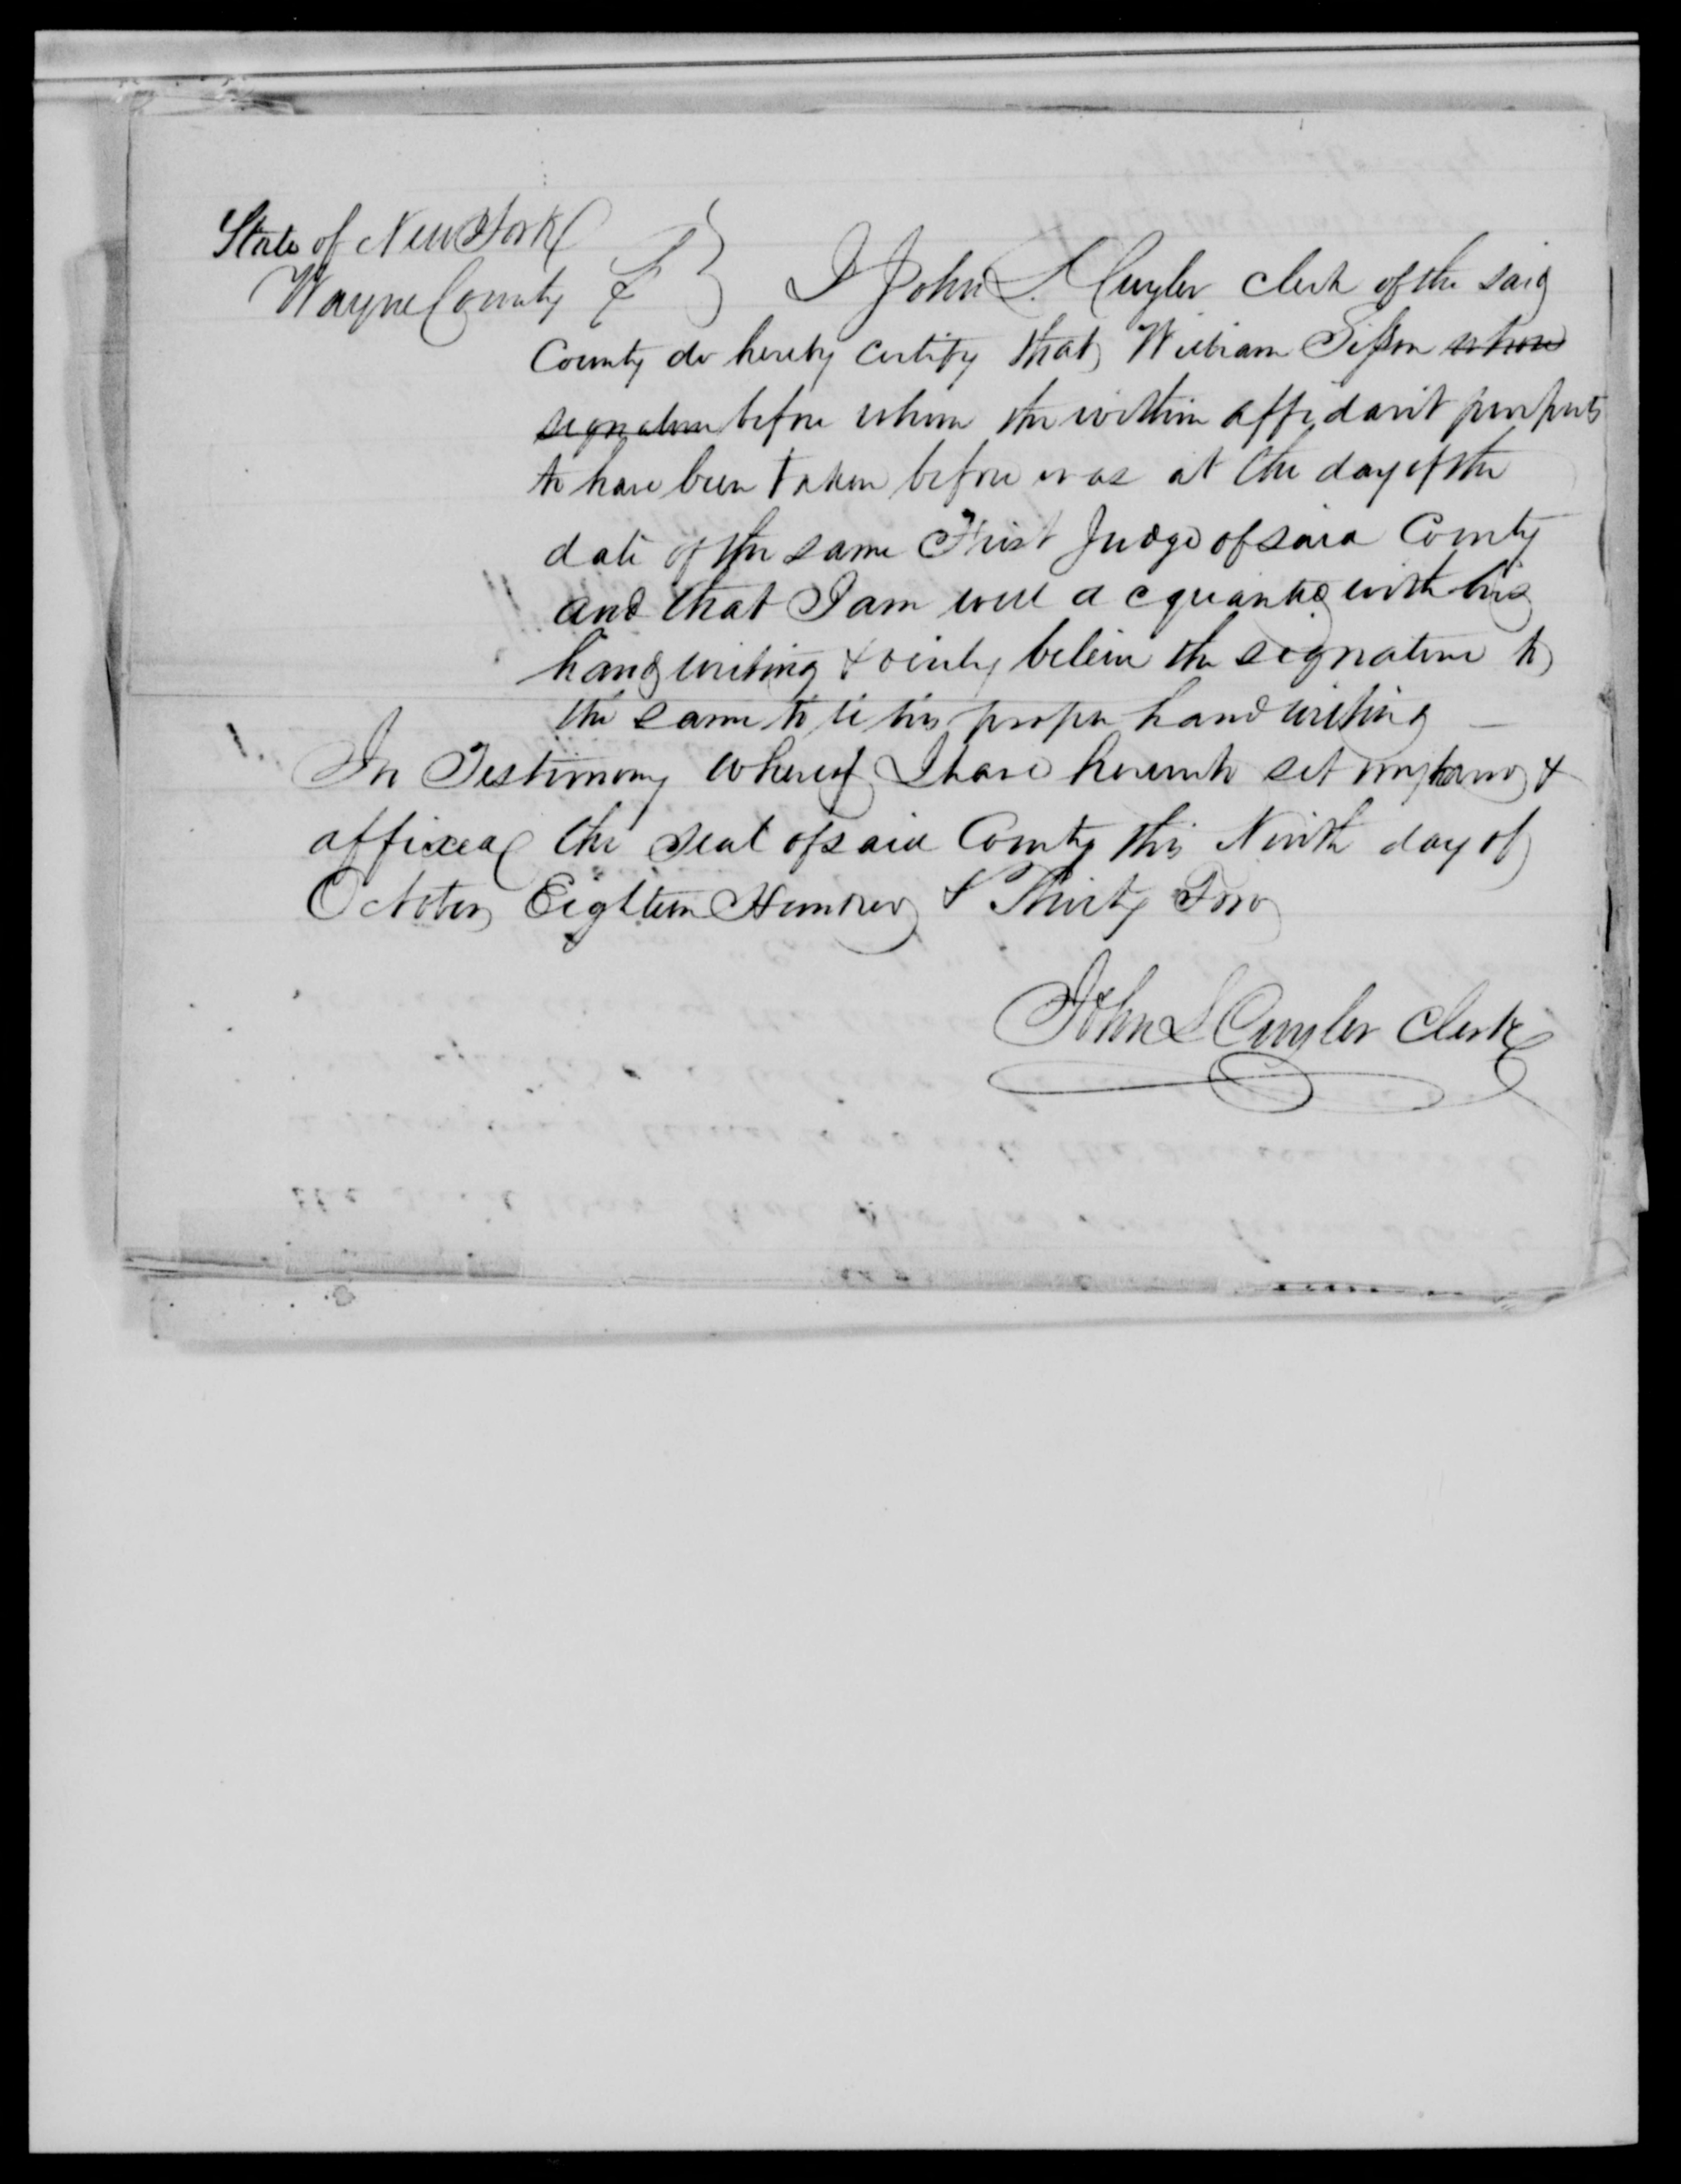State of New York, County of Wayne, I John L Cuyler clerk of the said county do hereby certify that William Sisson before whom the written affidavit purports to have been taken before was at the day of the date  of (illegible) same First Judge of said county and that I am well acquainted with his handwriting & (illegible) believe the signature of the same to be his proper handwriting.  In testimony whereof I have hereunder set my hand & official seal of said County this Ninth day of October, Eighteen Hundred & Thirty Two John L Cuyler Clerk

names: William Sisson, John L Cuyler, John L Cuyler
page: 19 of 66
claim: widow's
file: W. 19588, William Walling, New Jersey